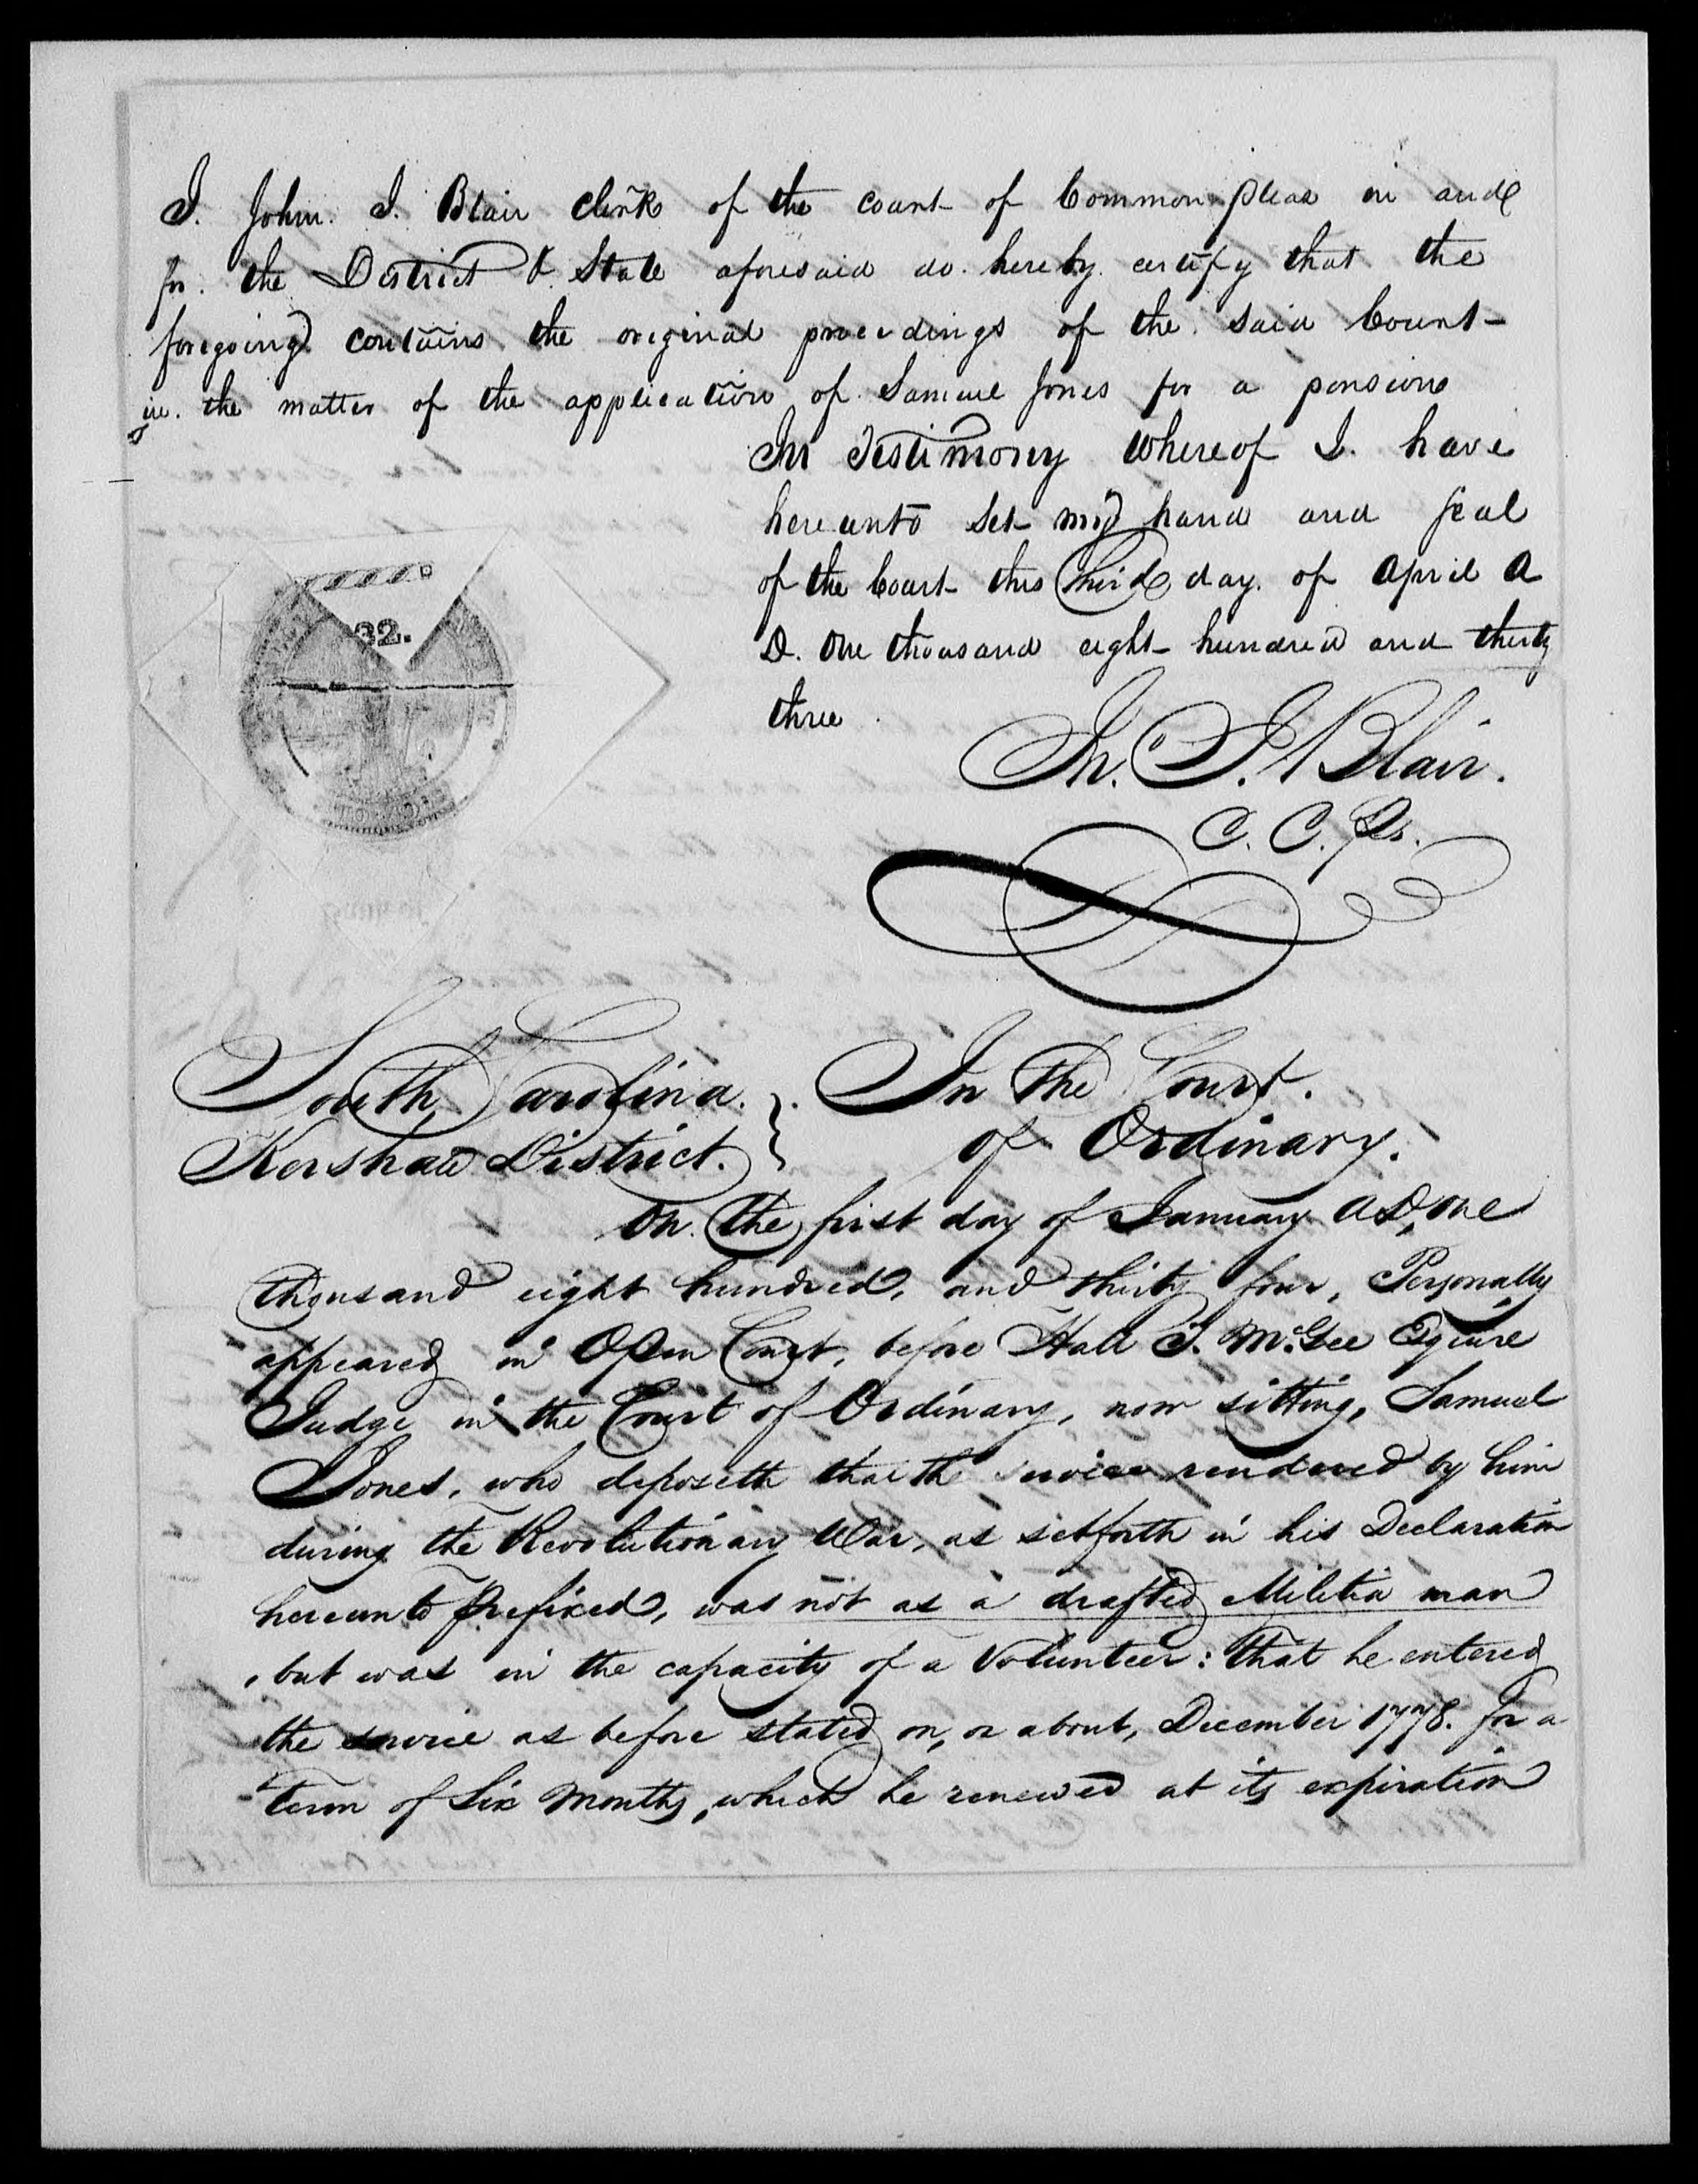I John I. Blair Clerk of the Court of Common pleas in and for the District & State aforesaid do hereby certify that the foregoing contains the original procedings of the said Court in the matter of the application of Samuel Jones for a pension In Testimony whereof I have hereunto set my hand and seal of the Court this third day of April A D. One thousand eight hundred and thirty three 
T. I. Blair C.C. S. . 
South Carolina 
Kershaw District. 
In the Court of Ordinary AD the first day of January one thousand eight hundred and thirty four, Personally appeared in Open Court, before Hall J. McGee Esquire Judge in the Court of Ordinary, now sitting, Samuel Jones, who deposeth that the service rendered by him during the Revolutionary War, as set forth in his Declaration hereunto prefixed, was not as a drafted Militia man but was in the capacity of a volunteer. that he entered the service as before stated on or about December 1778 for a term of six months, which he renewed at its expiration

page: 6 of 28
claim: survivor's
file: S. 21844, for Samuel Jones, South Carolina